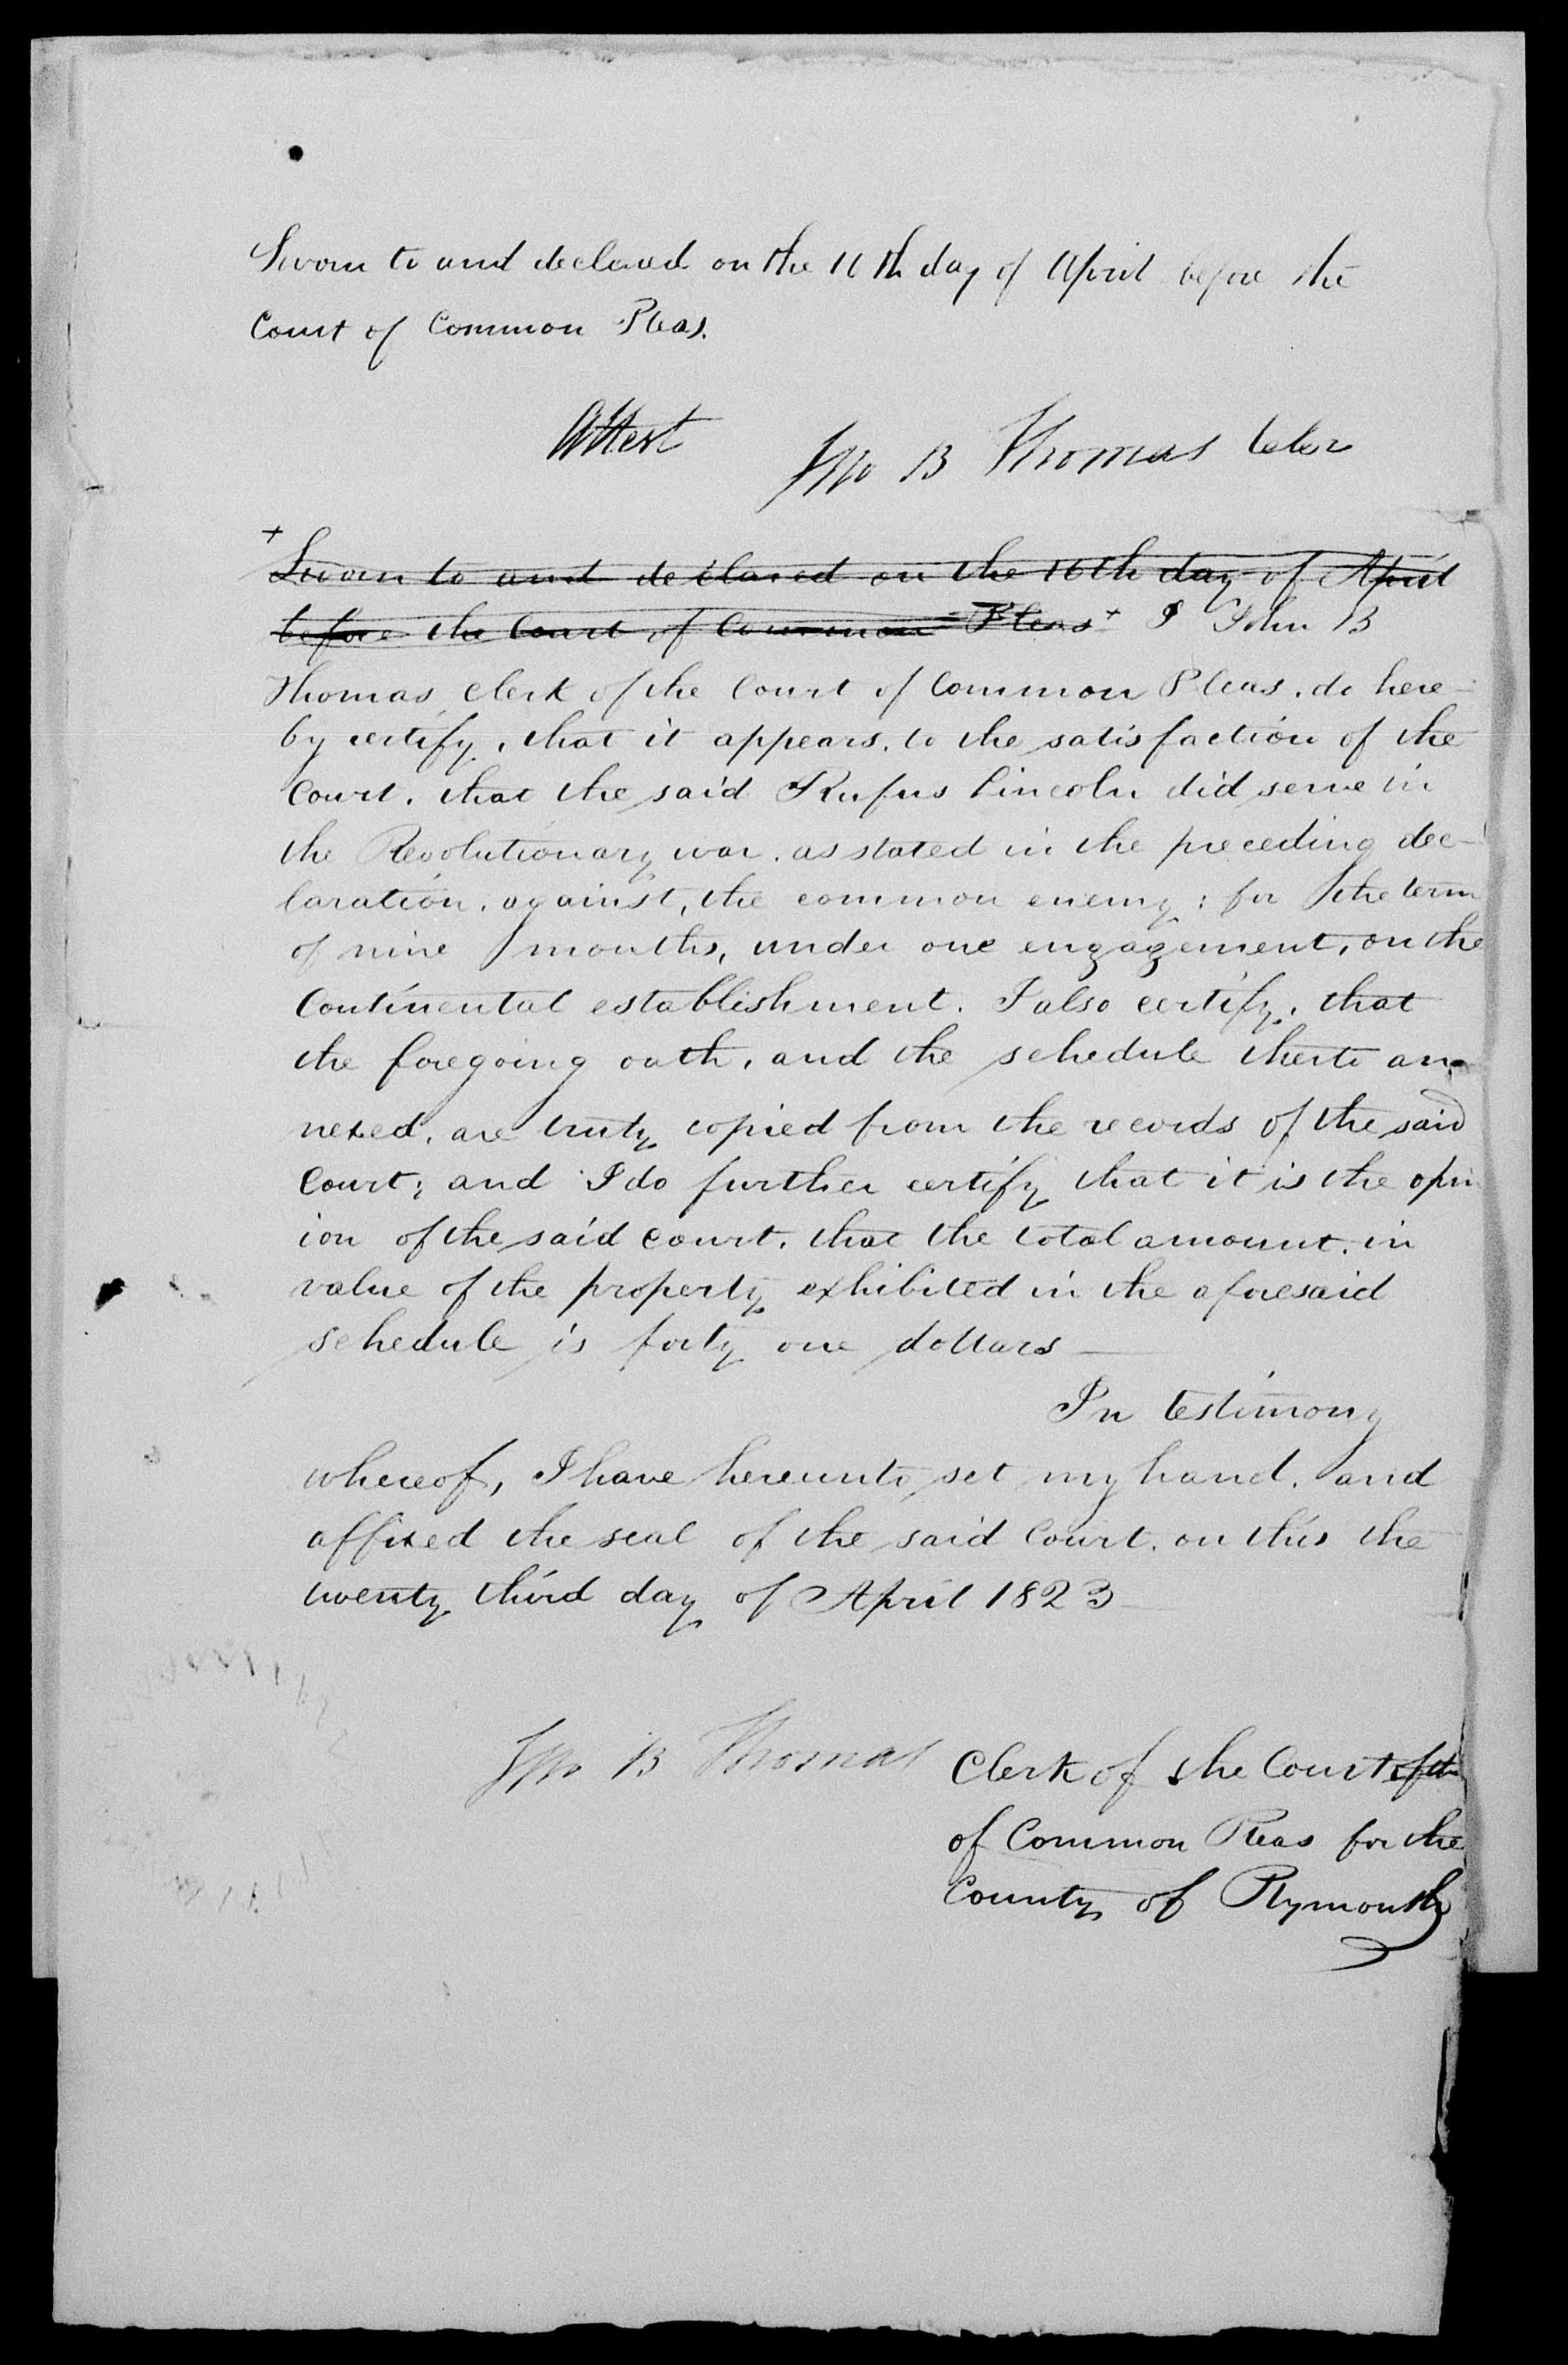Sworn to and declared on the 16th day of April before the Court of Common Pleas
Attest
Jno B Thomas Clerk

I John B Thomas Clerk of the Court of  Common Pleas, do hereby certify, that it appears to the satisfaction of the
Court, that the said Rufus Lincoln did serve in
the Revolutionary war as stated in the preceding declaration, against the common enemy for the term of nine months, under one engagement, on the Continental establishment. I also certify, that the
foregoing oath, and the schedule thereto 
annexed, are truly copied from the records of the said Court; and I do further certify that it is the opinion of the said Court, that the total amount in value of the property exhibited in the aforesaid Schedule is forty one dollars-
     In testimony whereof, I have hereunto set my hand and affixed the seal of the said Court on this the twenty third day of April 1823
Jno B Thomas
Clerk of the Court of
of Common Pleas for the
County of Plymouth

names: Rufus Lincoln; Jno B Thomas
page: 56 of 82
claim: widow's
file: W. 13,634, for Rufus Lincoln, Massachusetts